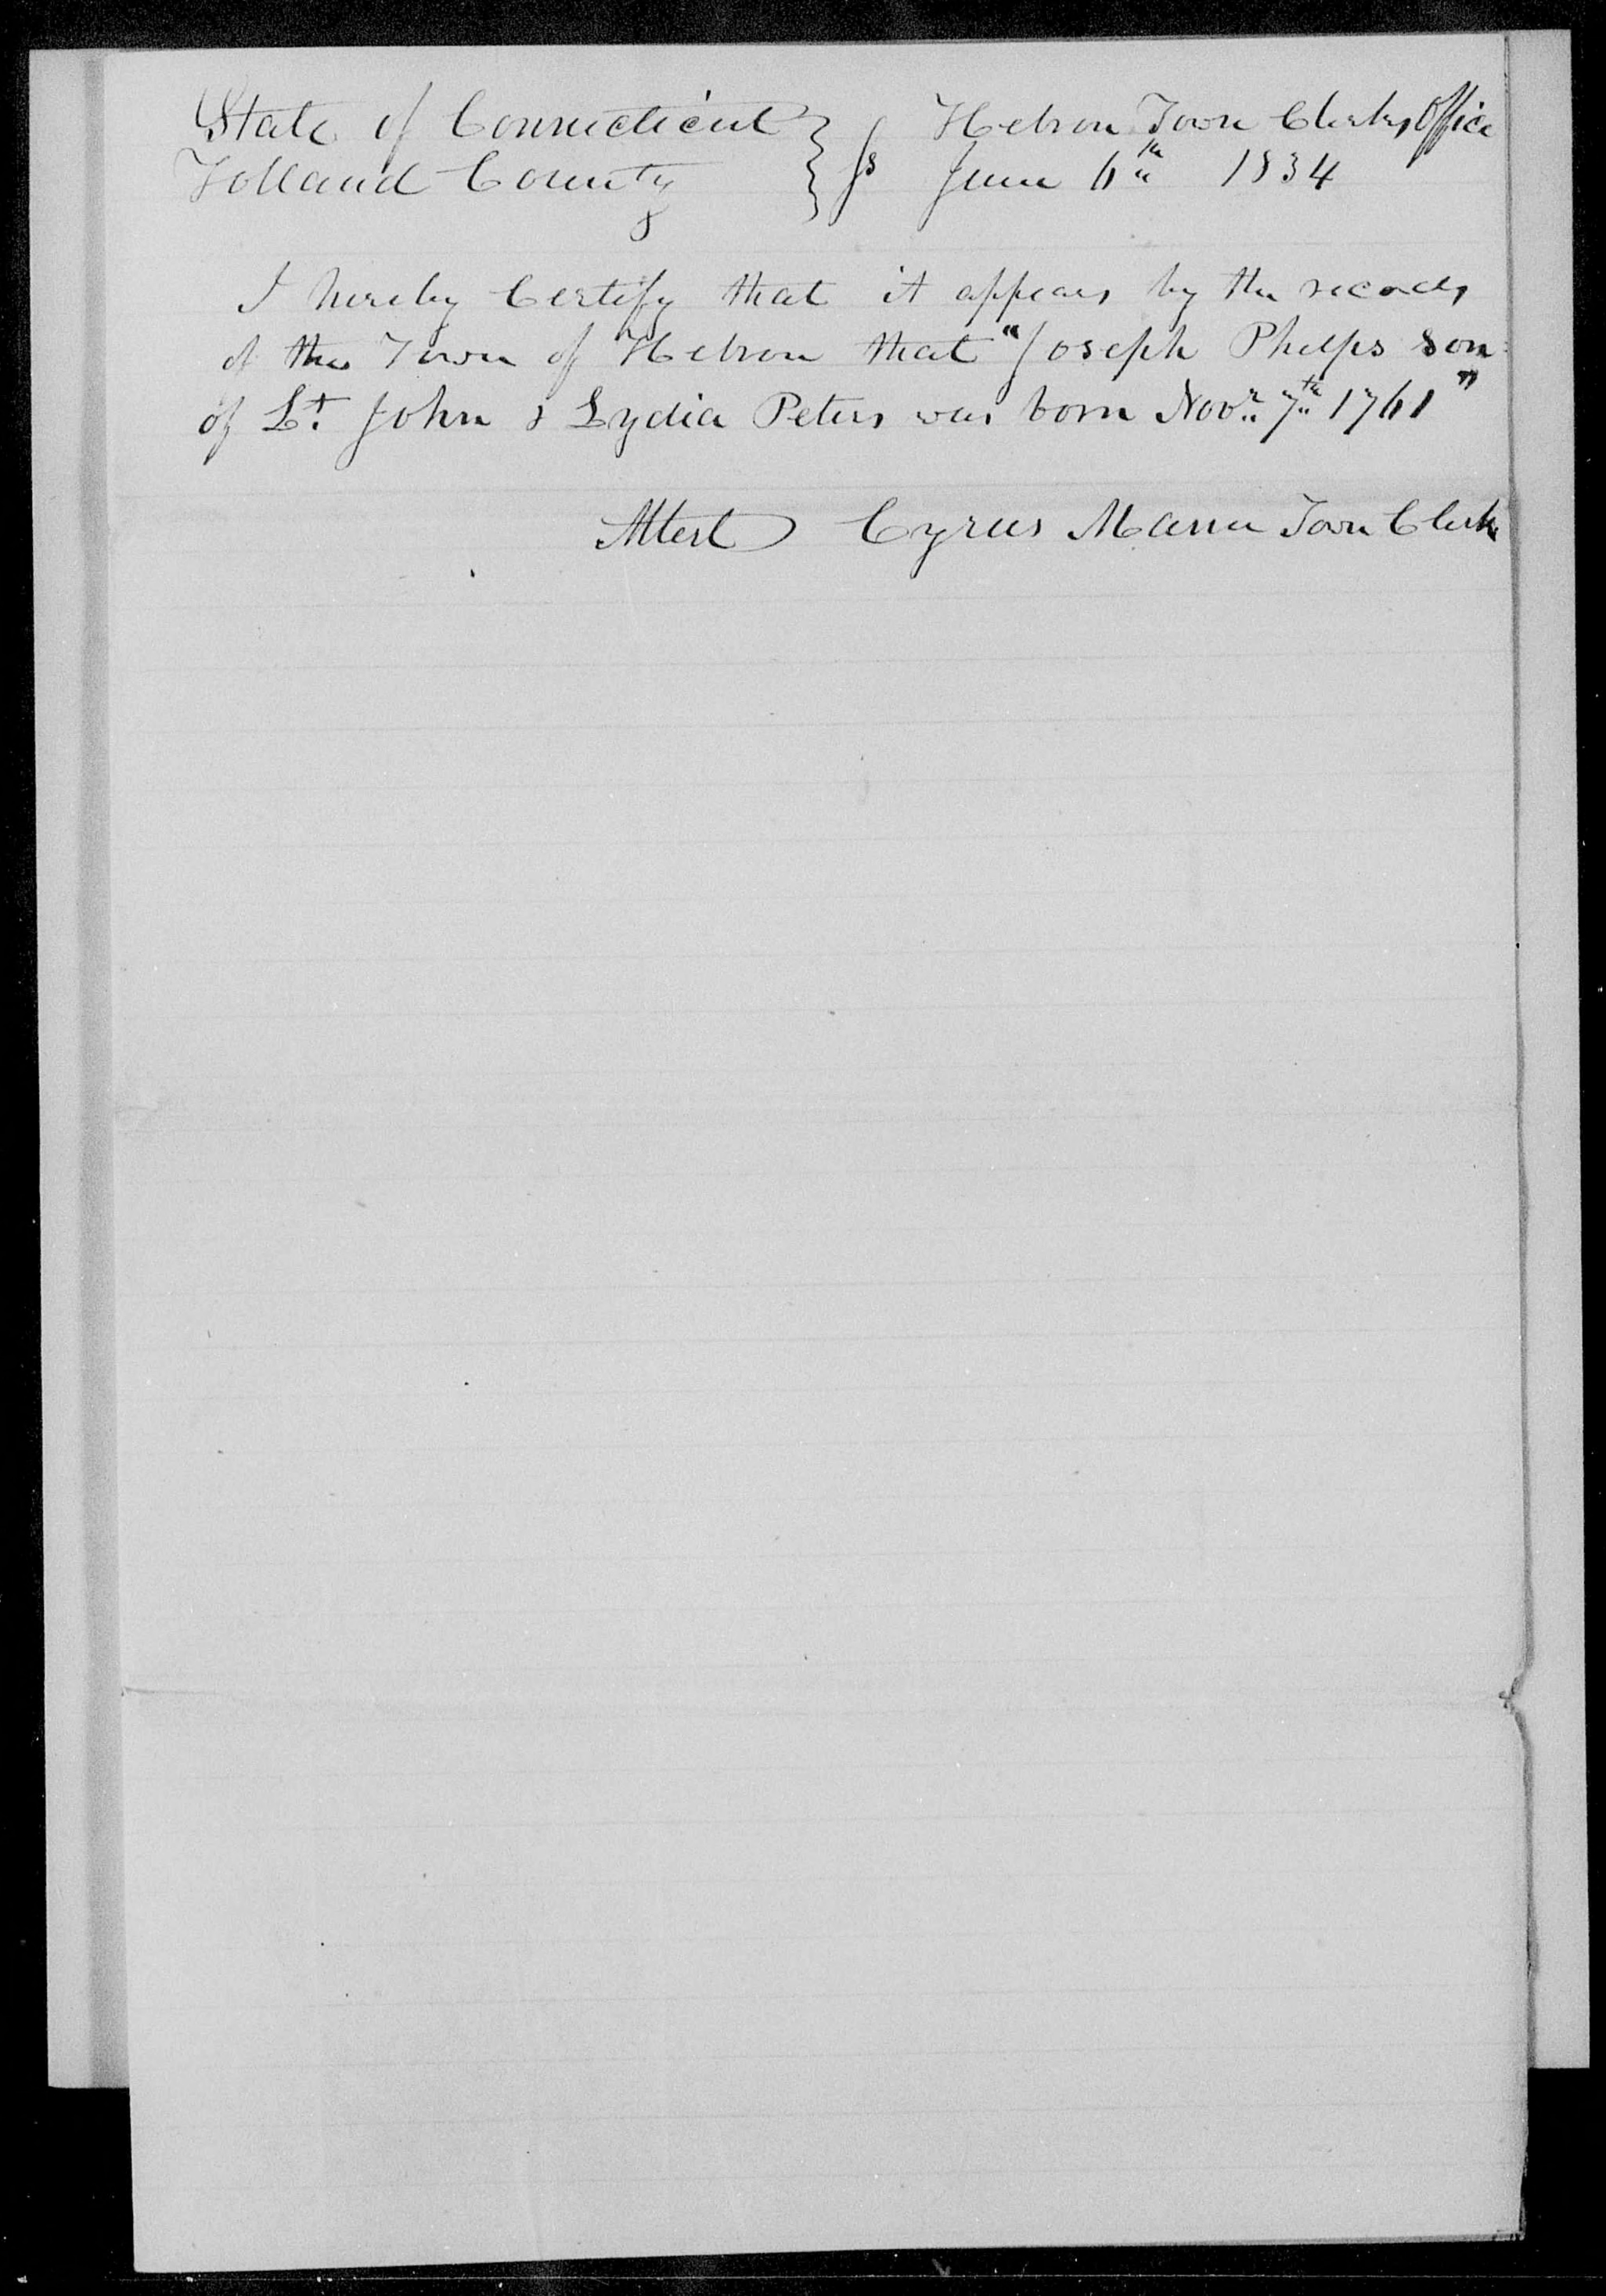State of Connecticut 
Tolland County } ss Hebron Town Clerks Office June 6th 1834 
I hereby certify that it appears by the records of the Town of Nelson that "Joseph Phelps son of Lt John & Lydia Peters was born Novr 7th 1761”  
Attest Cyrus Mann Town Clerk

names: John Peters; Joseph Phelps [BLANK]; Lydia Peters; Cyrus Mann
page: 67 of 73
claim: widow's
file: W. 2338, for Joseph P Peters, Connecticut